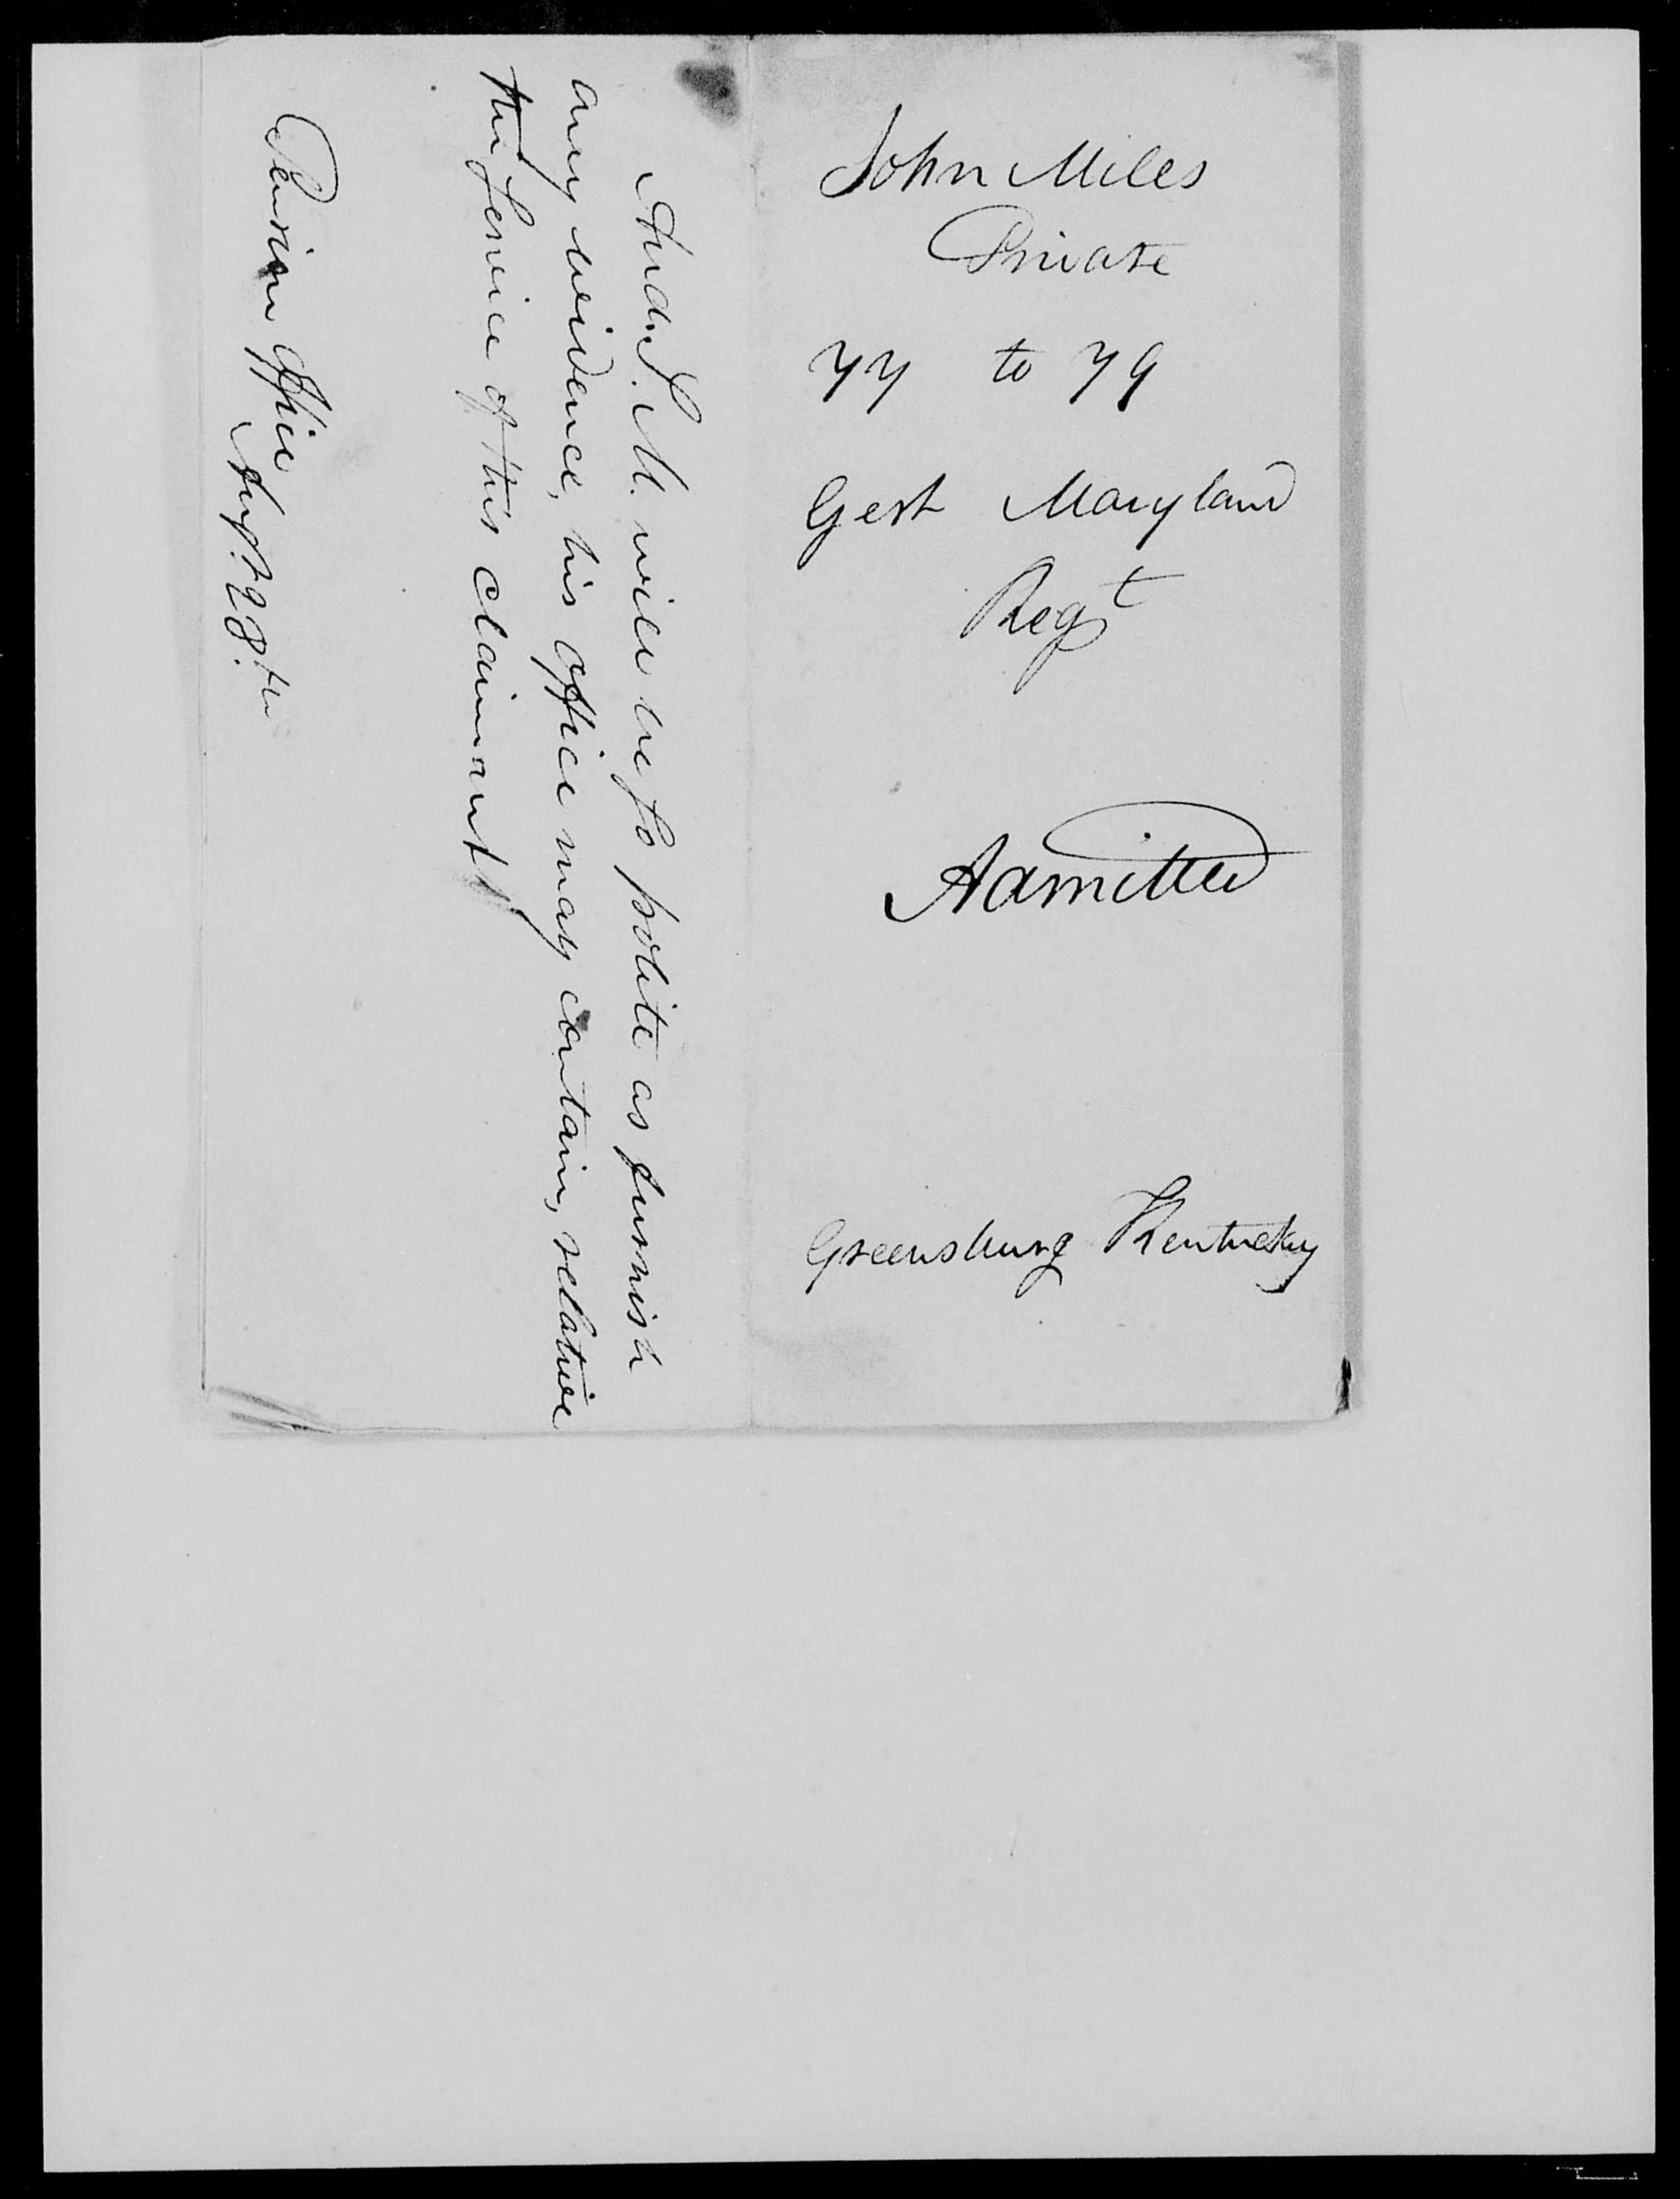Left Side Page

Andr L.M. will you be so polite as furnish any evidence his office may contain relative to service of this claimant

Pension Office
April 28th

Right Side Page

John Miles
Private
77 to 79

Ger Maryland 
Regt

Admitted 

Greensburg Kentucky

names: John Miles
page: 6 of 24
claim: survivor's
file: S 36138, for John Miles, Maryland